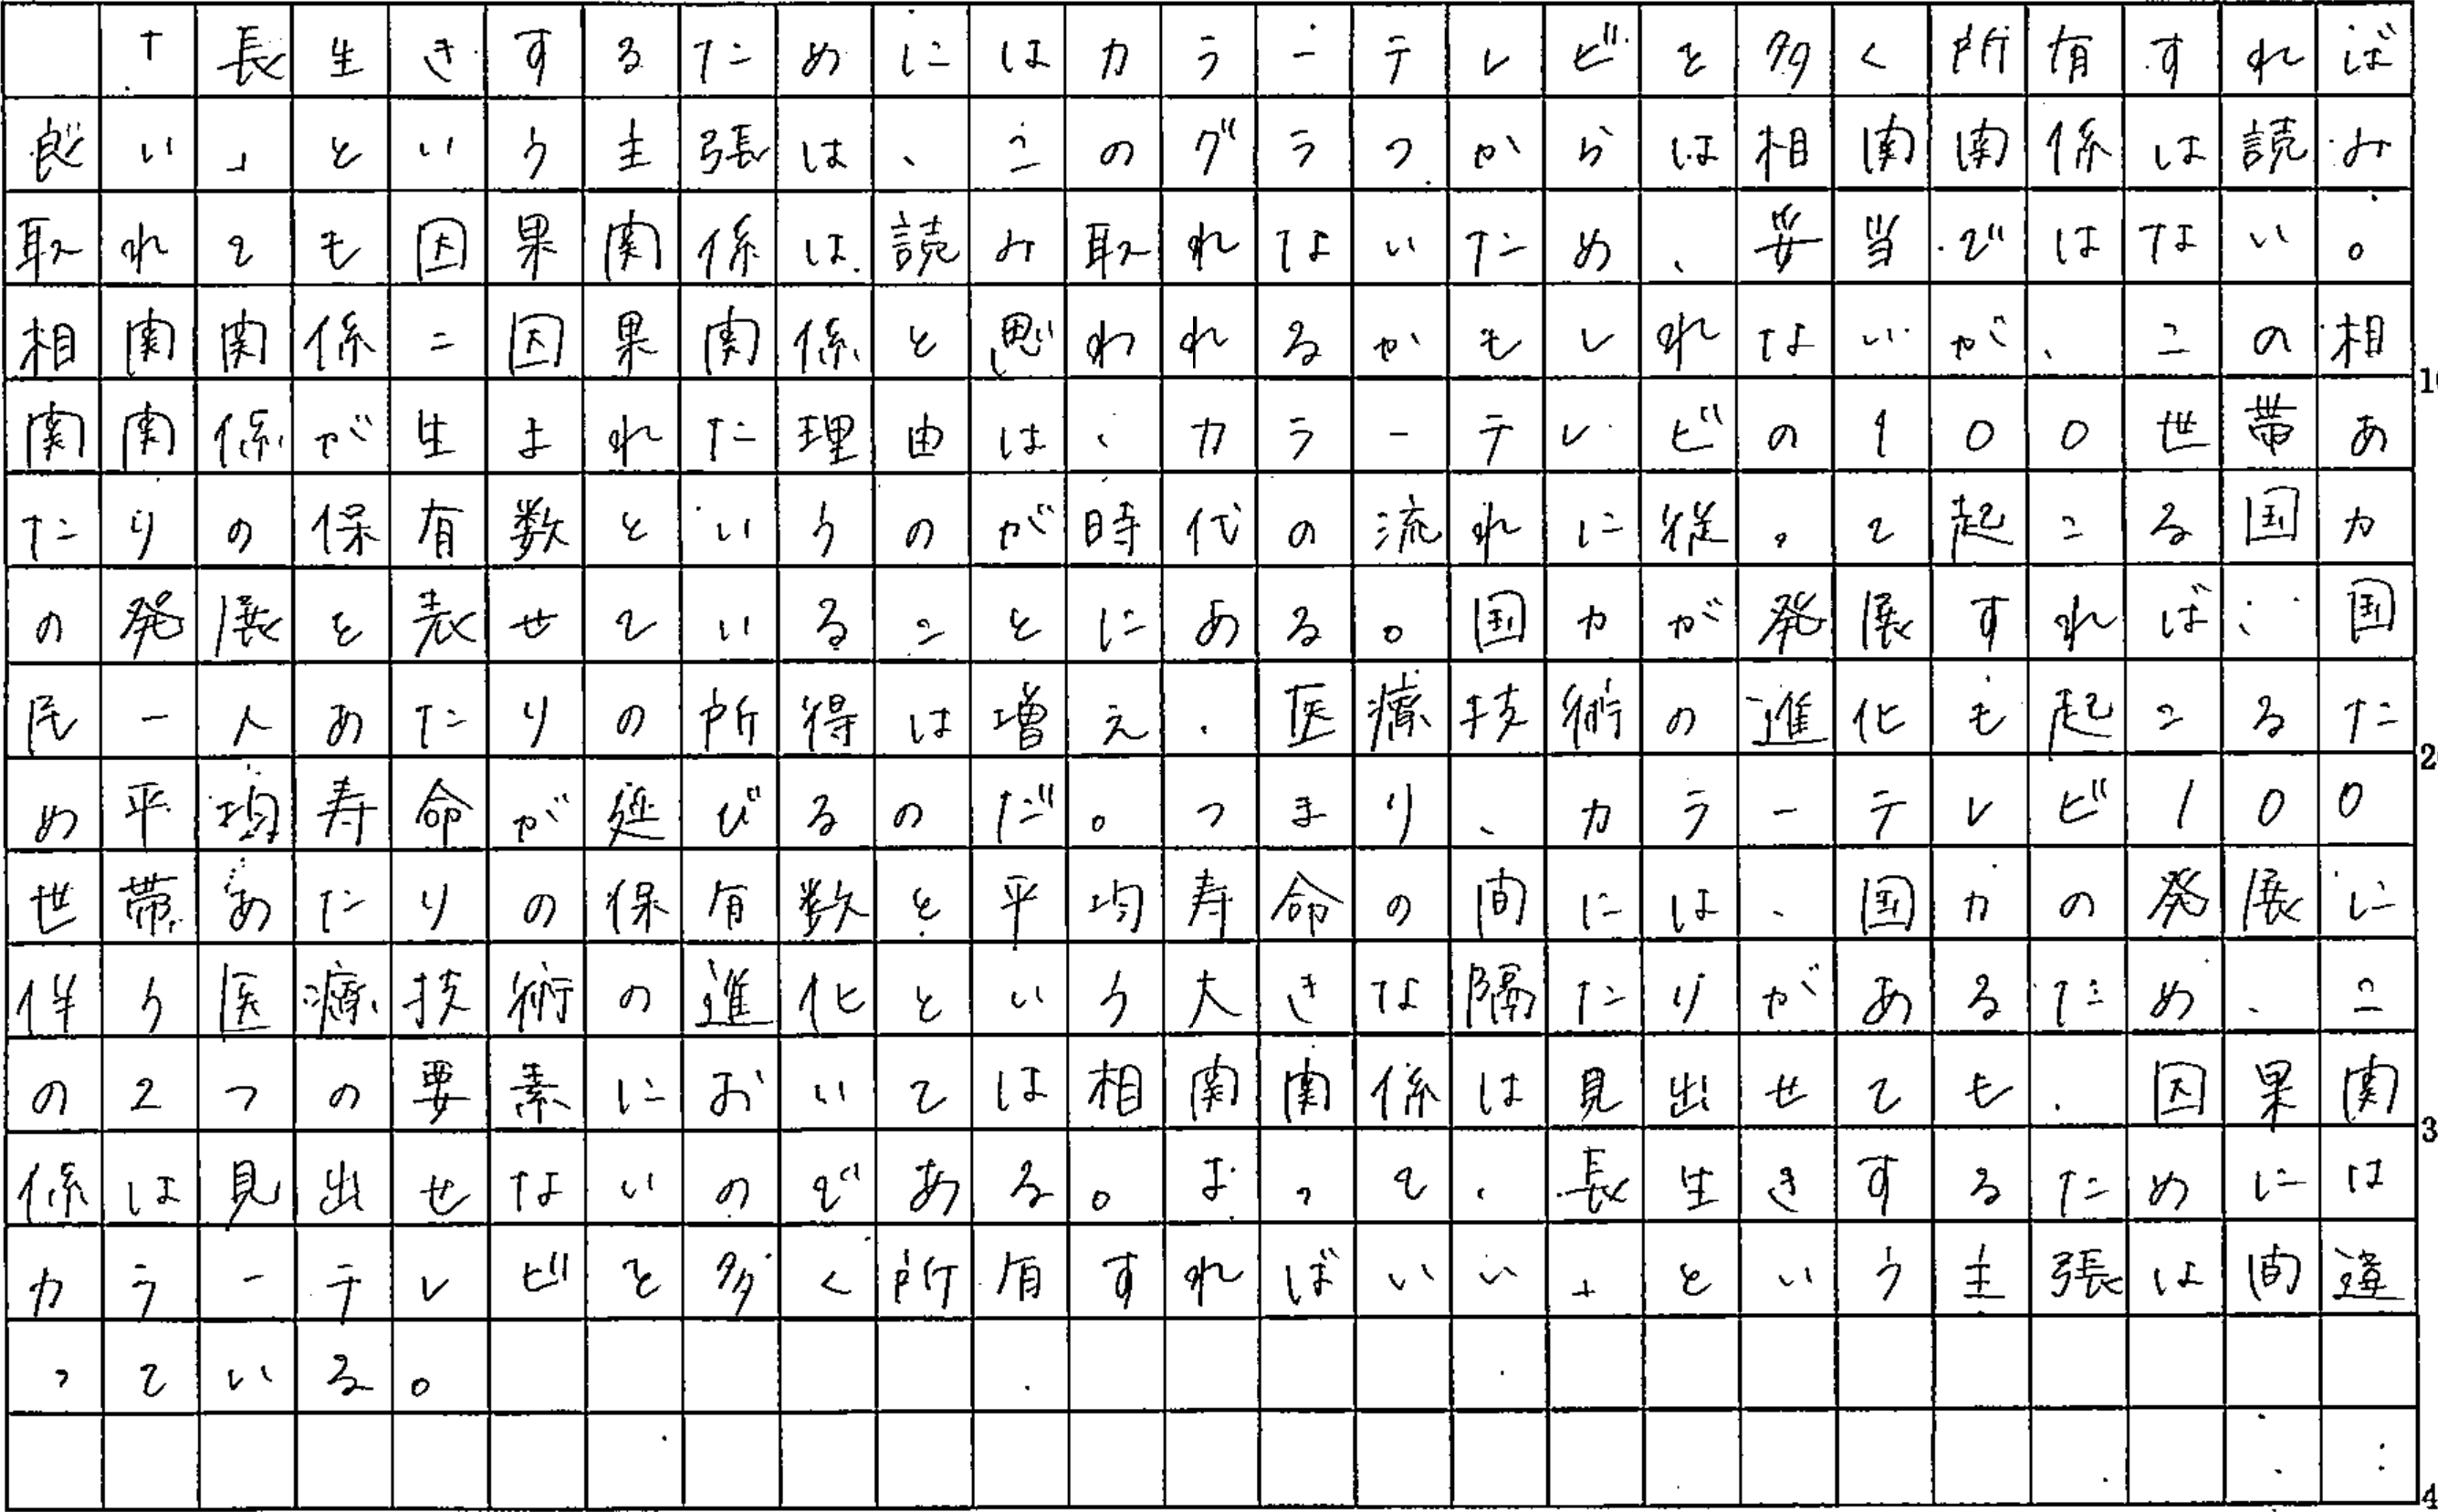　「長生きするためにはカラーテレビを多く所有すれば良い」という主張は、このグラフからは相関関係は読み取れても因果関係は読み取れないため、妥当ではない。相関関係＝因果関係と思われるかもしれないが、この相関関係が生まれた理由は、カラーテレビの１００世帯あたりの保有数というのが時代の流れに従って起こる国力の発展を表せていることにある。国力が発展すれば、国民一人あたりの所得は増え、医療技術の進化も起こるため平均寿命が延びるのだ。つまり、カラーテレビ１００世帯あたりの保有数と平均寿命の間には、国力の発展に伴う医療技術の進化という大きな隔たりがあるため、この２つの要素においては相関関係は見出せても、因果関係は見出せないのである。よって、長生きするためにはカラーテレビを多く所有すればいい」という主張は間違っている。
